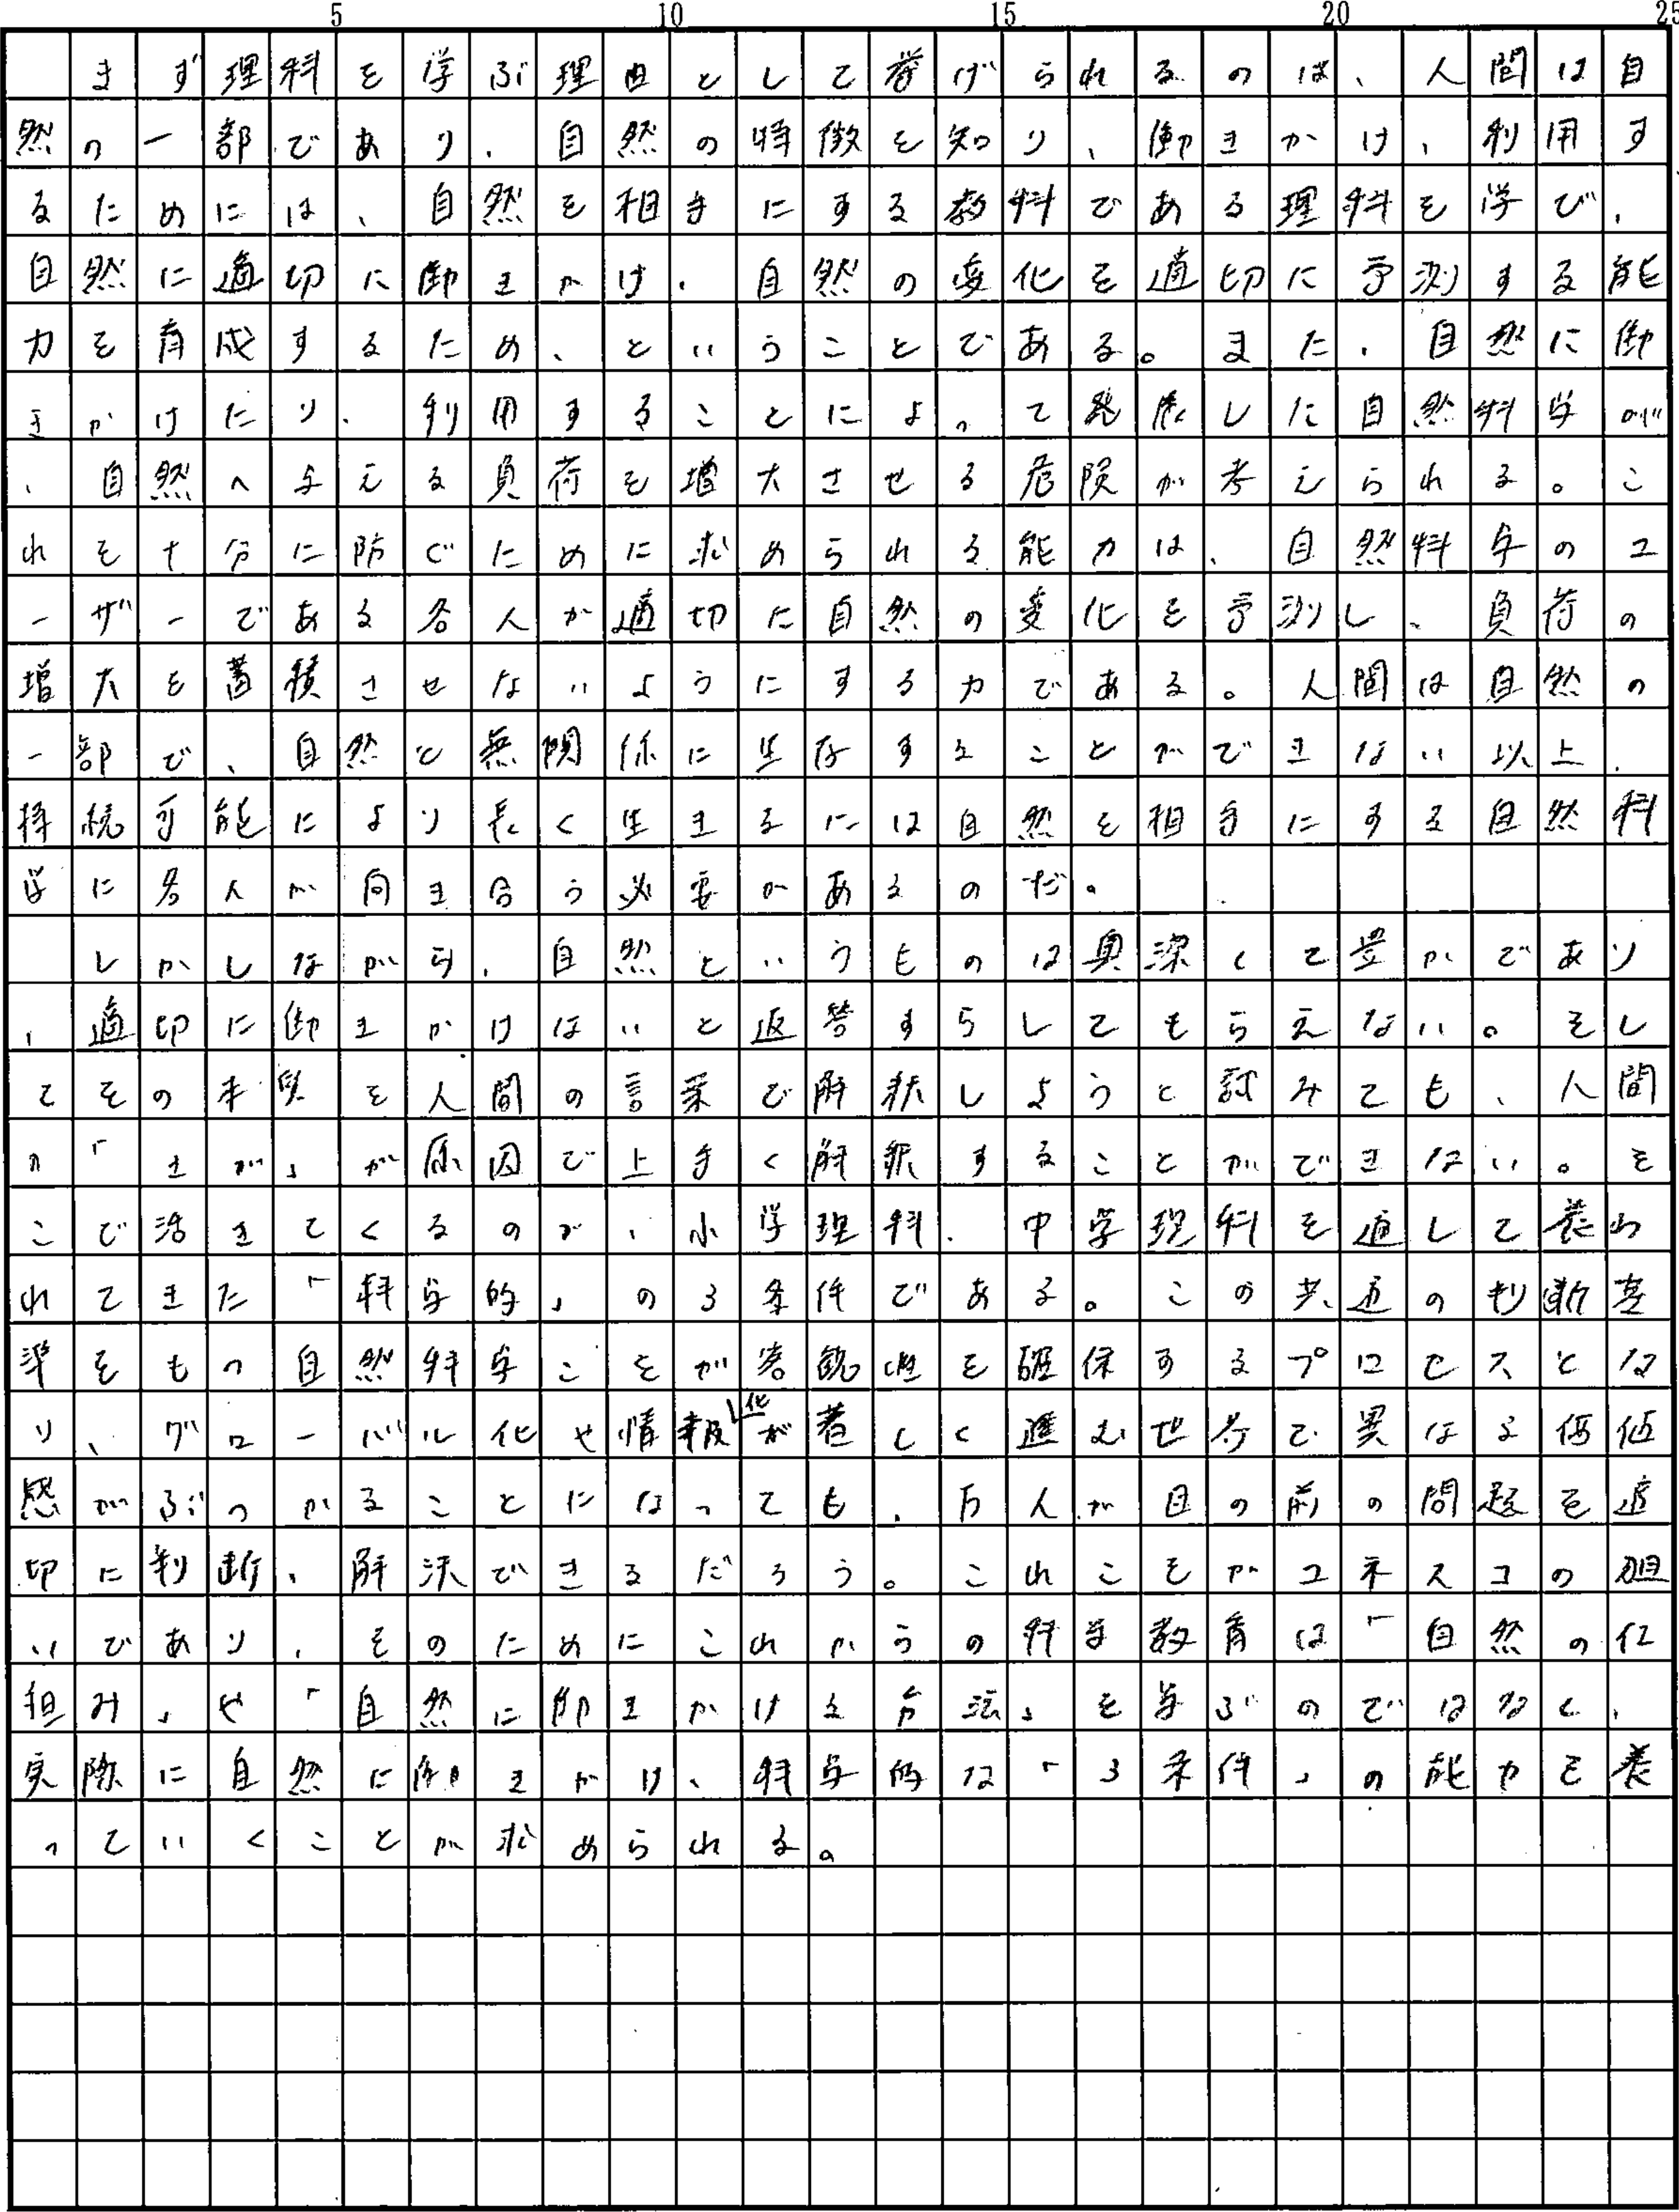　まず、理科を学ぶ理由として挙げられるのは、人間は自然の一部であり、自然の特徴を知り、働きかけ、利用するためには、自然を相手にする教科である理科を学び、自然に適切に働きかけ、自然の変化を適切に予測する能力を育成するため、ということである。また、自然に働きかけたり、利用することによって発展した自然科学が、自然へ与える負荷を増大させる危険が考えられる。これを十分に防ぐために求められる能力は、自然科学のユーザーである各人が適切に自然の変化を予測し、負荷の増大を蓄積させないようにする力である。人間は自然の一部で、自然と無関係に生存することができない以上、持続可能により長く生きるには自然を相手にする自然科学に各人が向き合う必要があるのだ。
　しかしながら、自然というものは奥深くて豊かであり、適切に働きかけないと返答すらしてもらえない。そしてその本質を人間の言葉で解釈しようと試みても、人間の「さが」が原因で上手く解釈することができない。そこで活きてくるのが、小学理科、中学理科を通して養われてきた「科学的」の３条件である。この共通の判断基準をもつ自然科学こそが客観▁を確保するプロセスとなり、グローバル化や情報化が者しく進む世界で異なる価値感がぶつかることになっても、万人が目の前の問題を▁切に判断、解決できるだろう。これこそがユネスコの狙いであり、そのためにこれからの科学教育は「自然の仕▁み」や「自然に働きかける方法」を学ぶのではなく、実際に自然に働きかけ、科▁的な「３条件」の能力を養っていくことが求められる。
